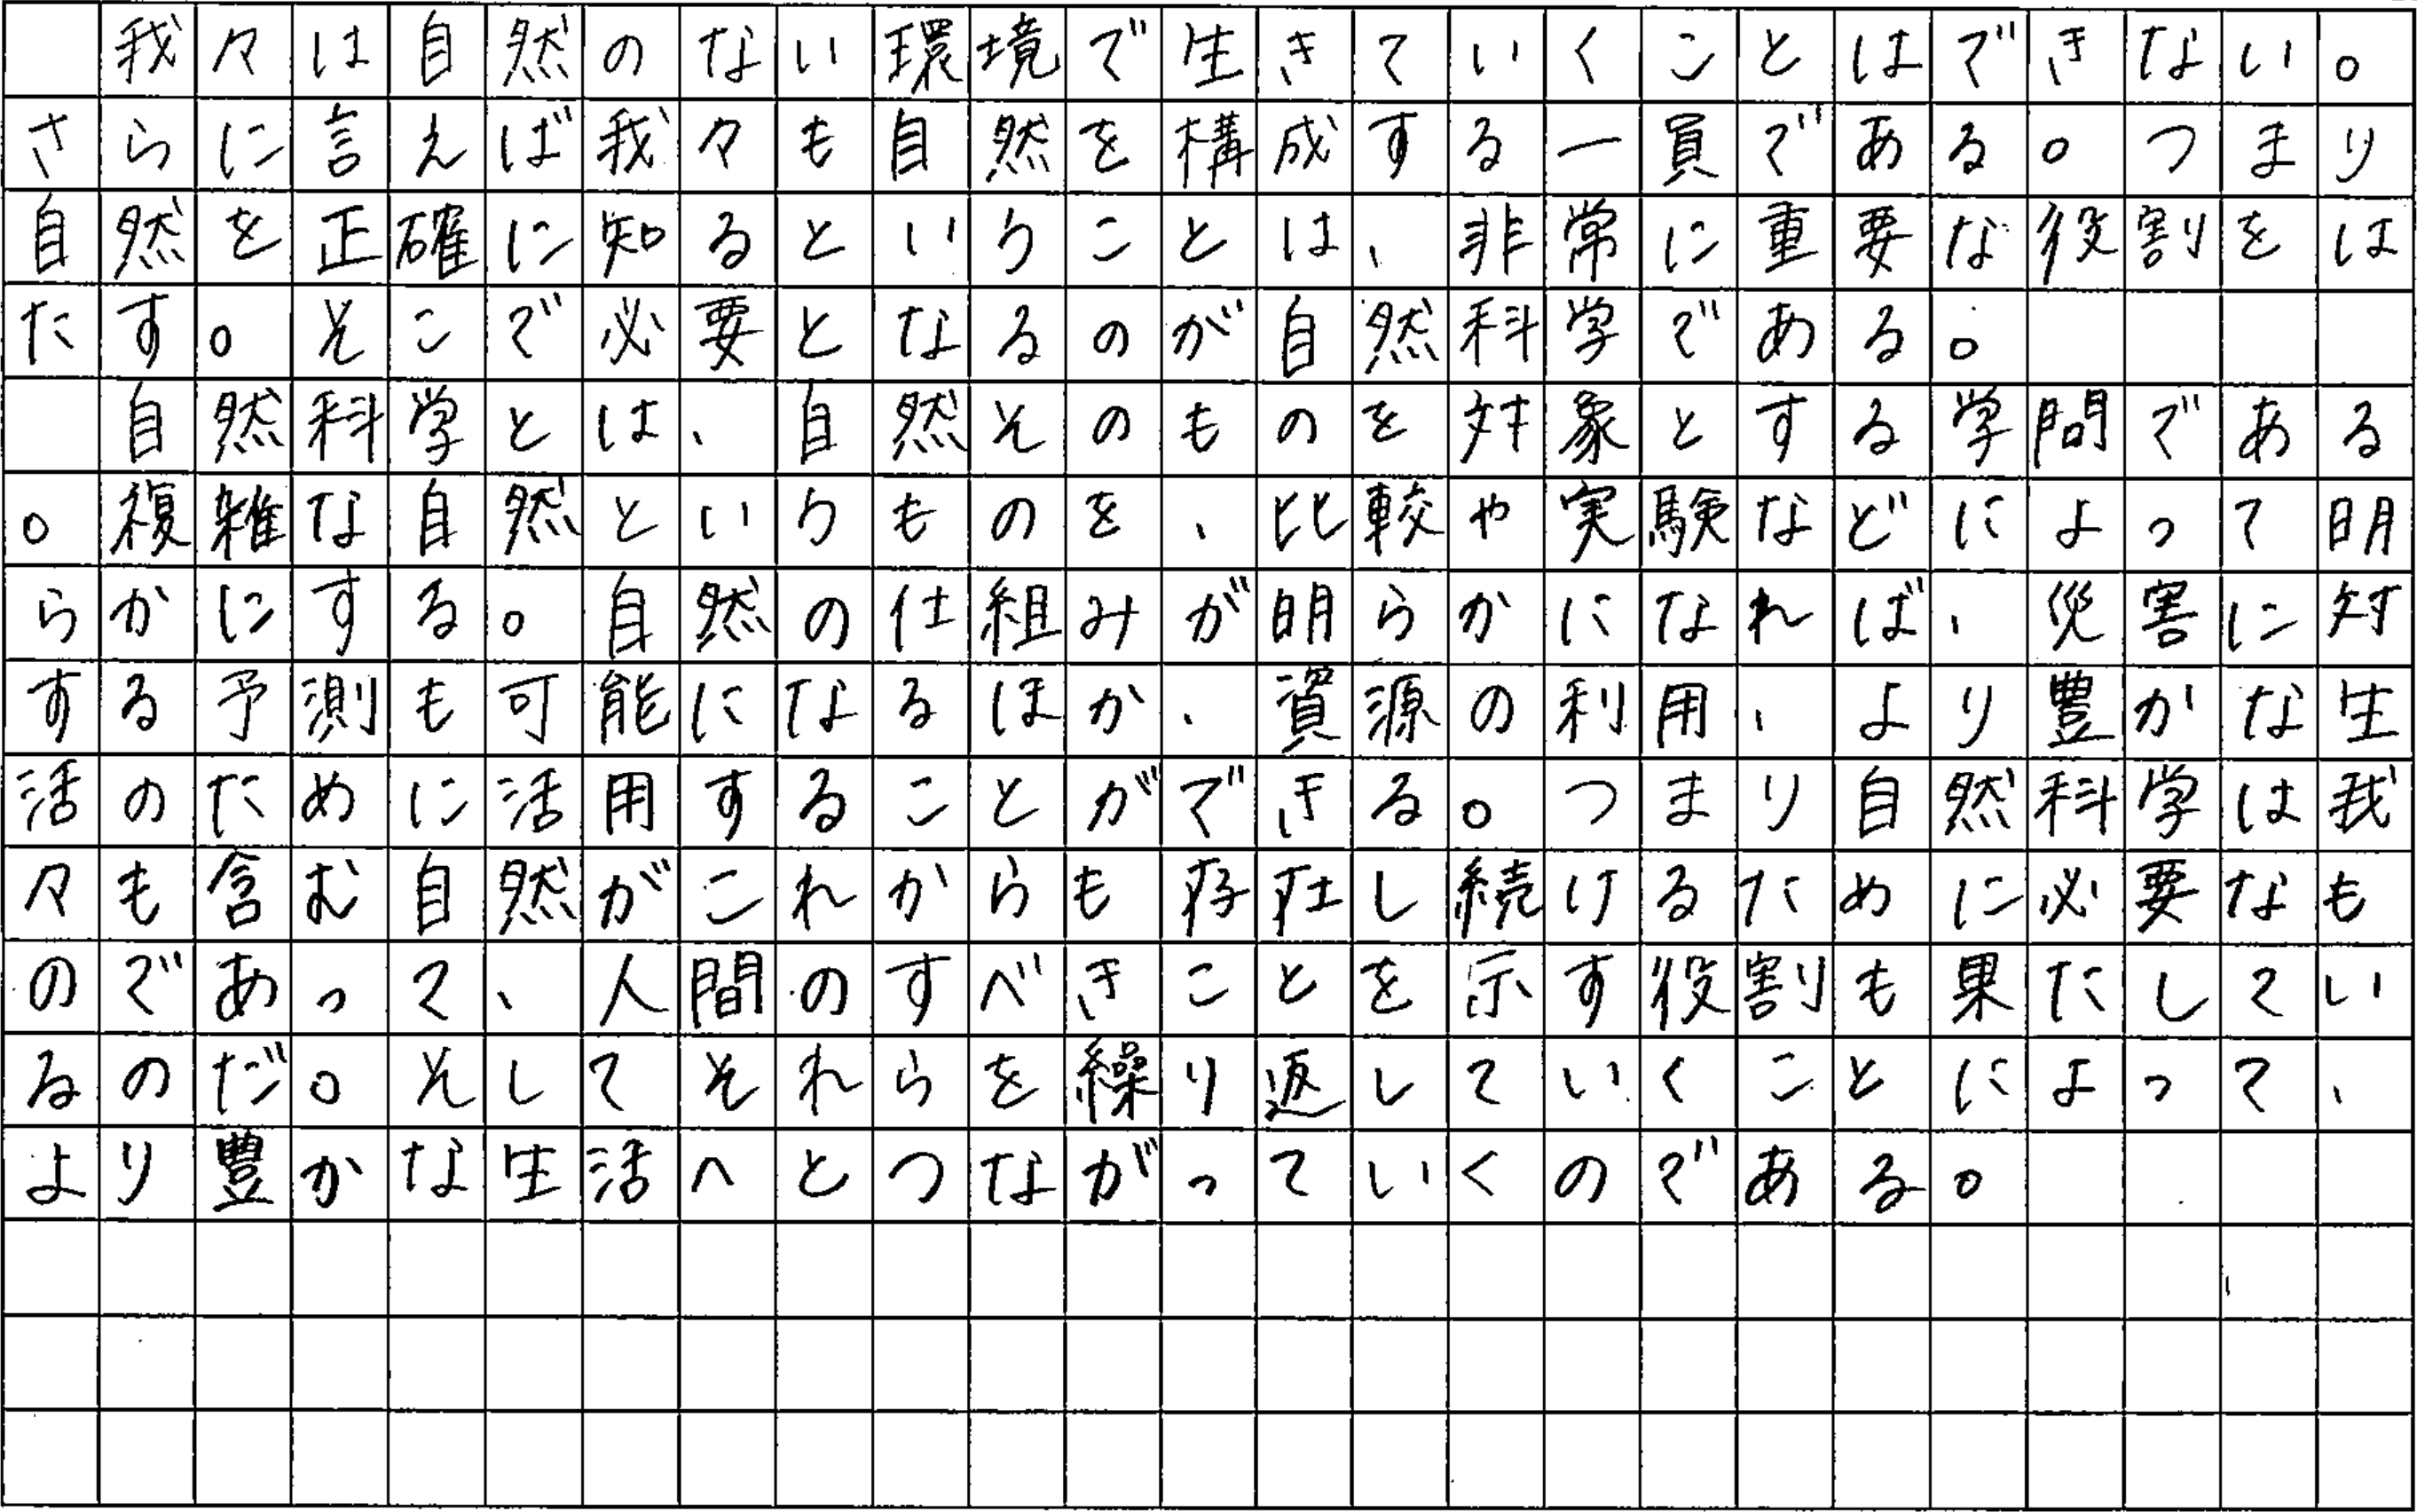我々は自然のない環境で生きていくことはできない。さらに言えば我々も自然を構成する一員である。つまり自然を正確に知るということは、非常に重要な役割をはたす。そこで必要となるのが自然科学である。
　自然科学とは、自然そのものを対象とする学問である。複雑な自然というものを、比較や実験などによって明らかにする。自然の仕組みが明らかになれば、災害に対する予測も可能になるほか、資源の利用、より豊かな生活のために活用することができる。つまり自然科学は我々も含む自然がこれからも存在し続けるために必要なものであって、人間のすべきことを示す役割も果たしているのだ。そしてそれらを繰り返していくことによって、より豊かな生活へとつながっていくのである。
